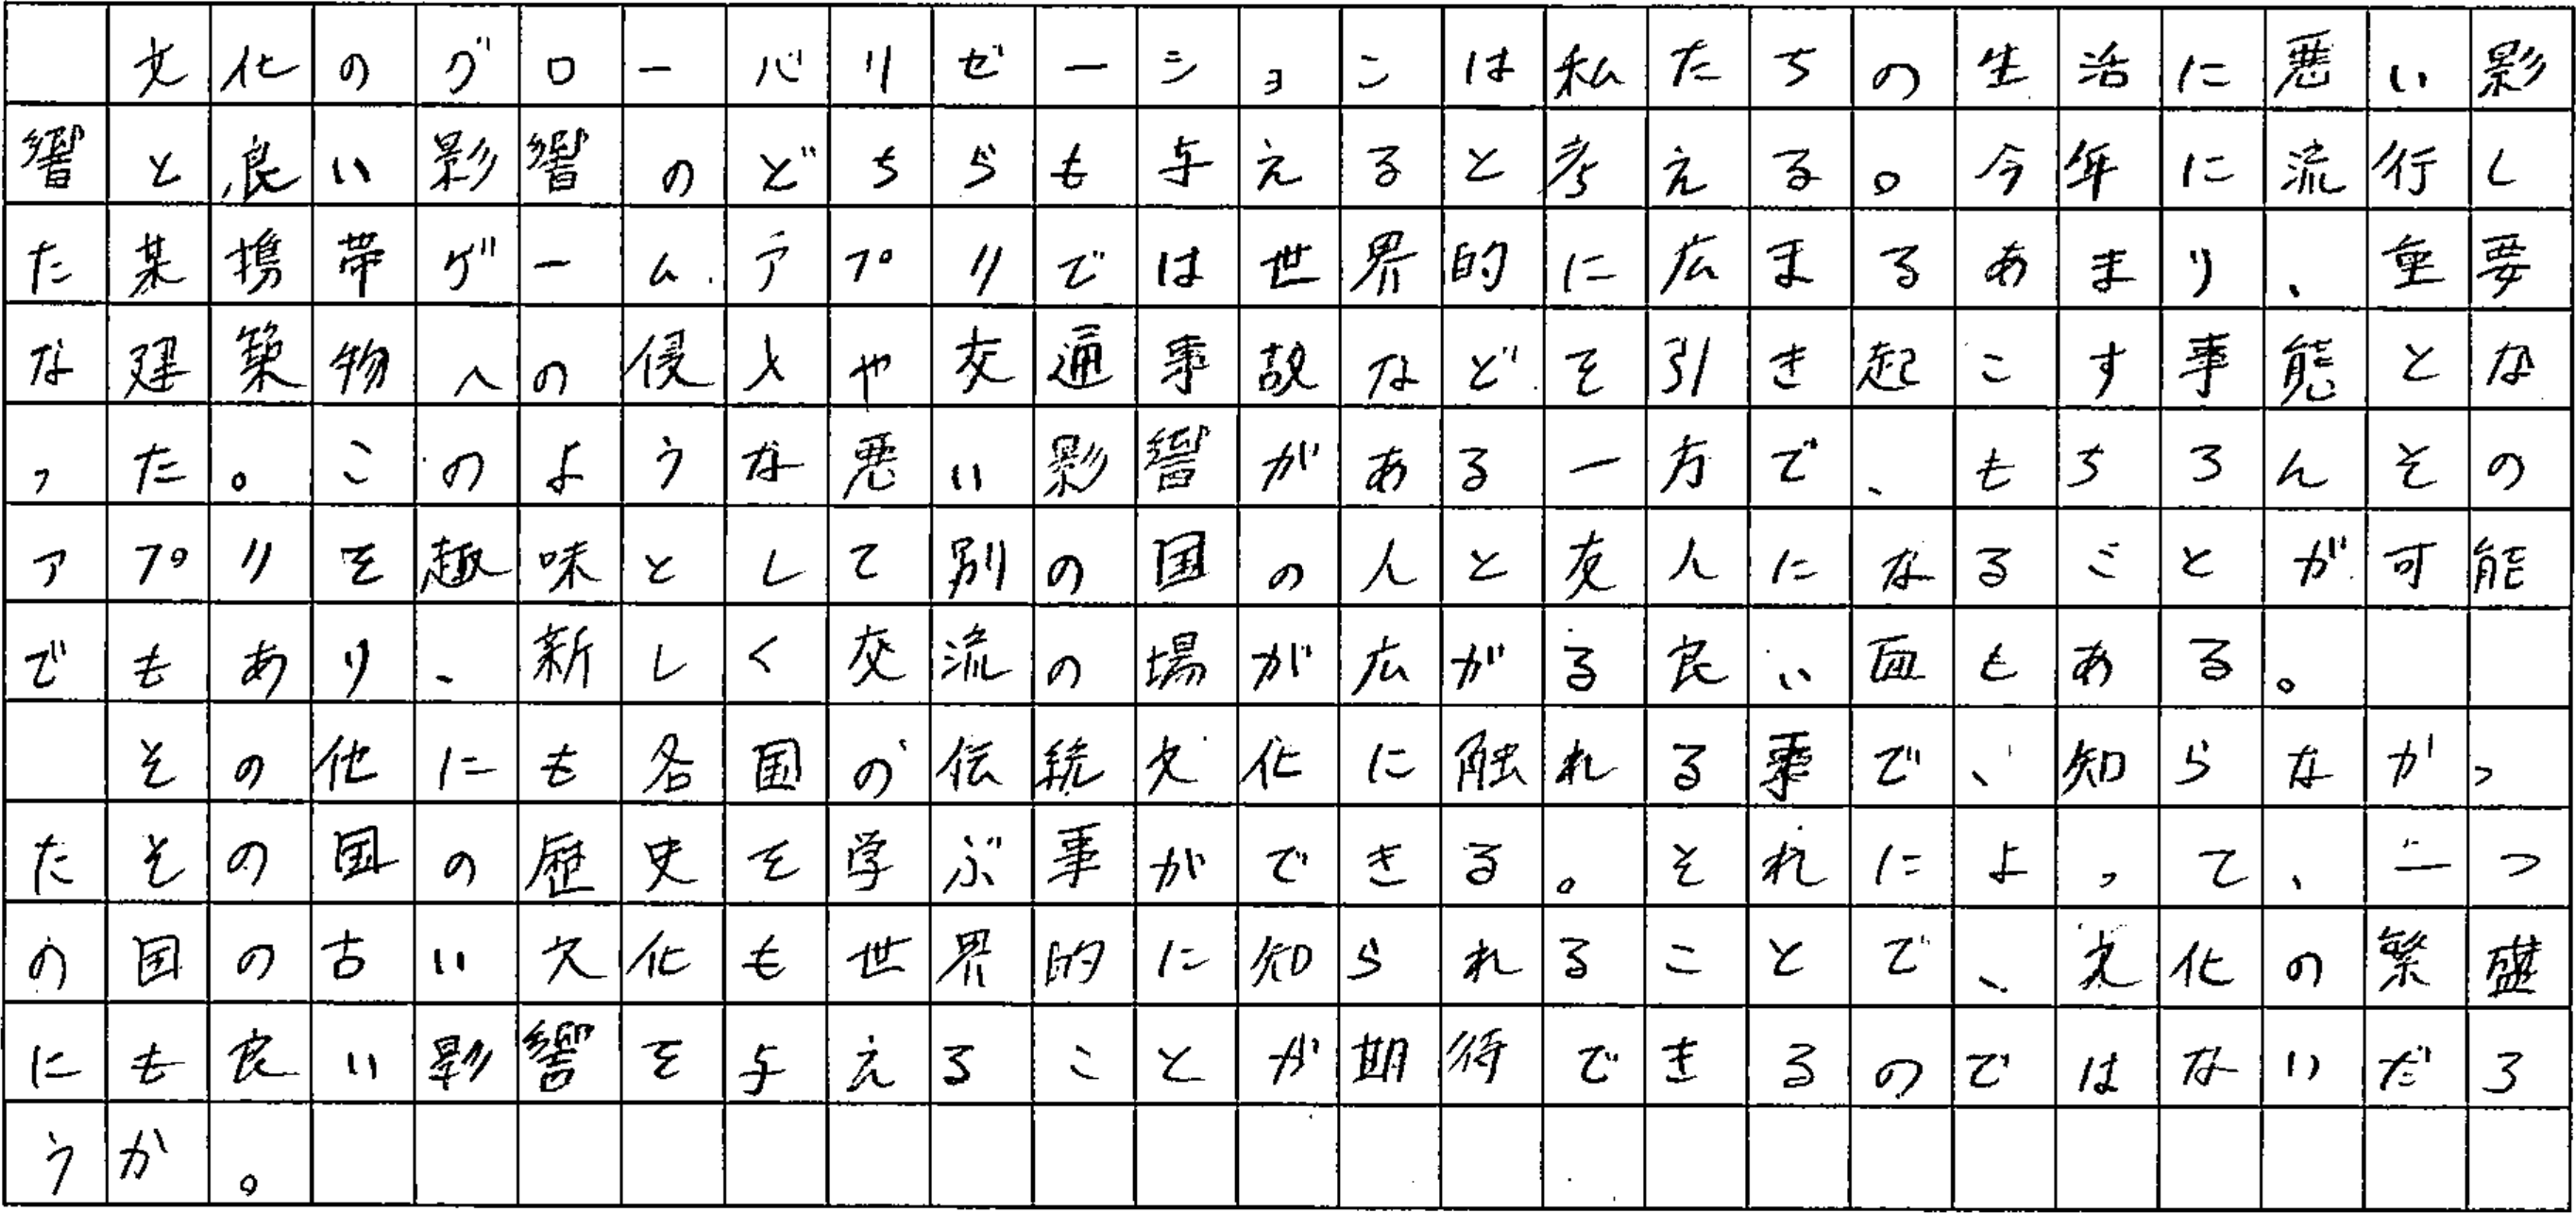　文化のグローバリゼーションは私たちの生活に悪い影響と良い影響のどちらも与えると考える。今年に流行した某携帯ゲームアプリでは世界的に広まるあまり、重要な建築物への侵入や交通事故などを引き起こす事態となった。このような悪い影響がある一方で、もちろんそのアプリを趣味として別の国の人と友人になることが可能でもあり、新しく交流の場が広がる良い面もある。
　その他にも各国の伝統文化に触れる事で、知らなかったその国の歴史を学ぶことができる。それによって、一つの国の古い文化も世界的に知られることで、文化の繁盛にも良い影響を与えることが期待できるのではないだろうか。
